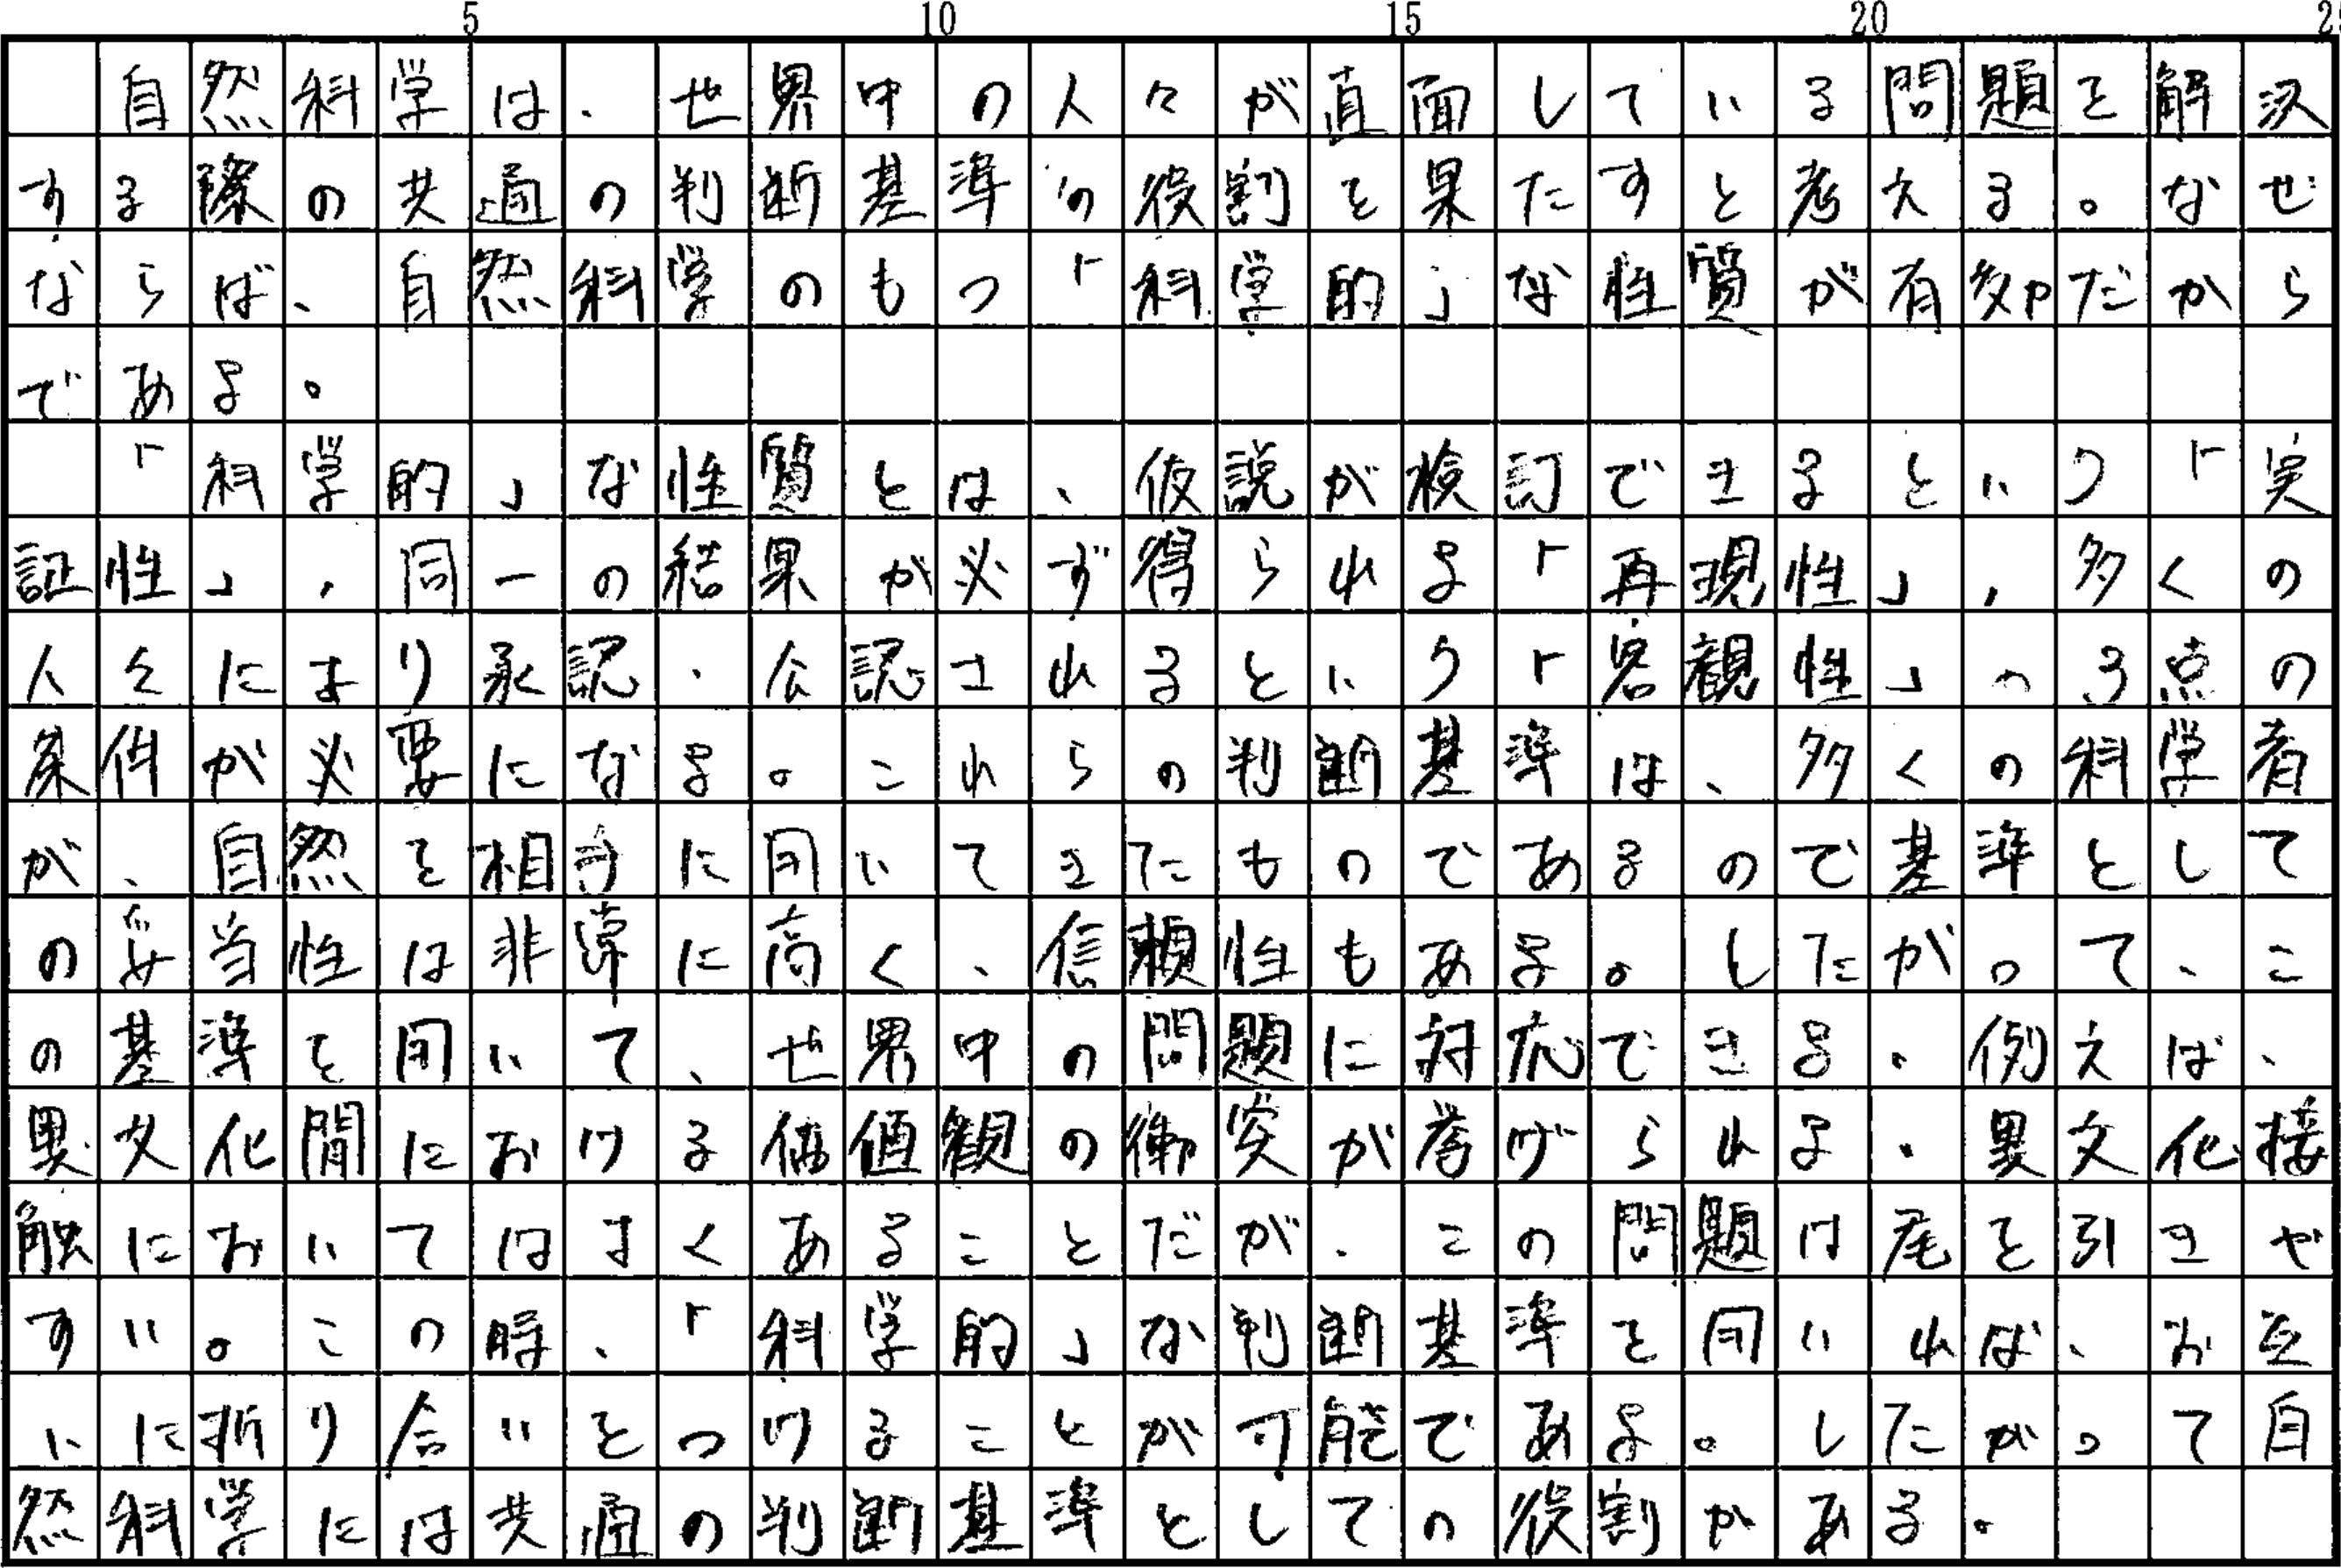　自然科学は、世界中の人々が直面している問題を解決する際の共通の判断基準の役割を果たすと考える。なぜならば、自然科学のもつ「科学的」な性質が有効だからである。
　「科学的」な性質とは、仮説が検▁できるという「実証性」、同一の結果が必ず得られる「再現性」、多くの人々により承認・公認されるという「客観性」の３点の条件が必要になる。これらの判断基準は、多くの科学者が、自然を相手に用いてきたものであるので基準としての妥当性は非常に高く、信頼性もある。したがって、この基準を用いて、世界中の問題に対応できる。例えば、異文化間における価値観の▁突が挙げられる。異文化接触においてはよくあることだが、この問題は尾を引きやすい。この時、「科学的」な判断基準を用いれば、お互いに折り合いをつけることが可能である。したがって自然科学には共通の判断基準としての役割がある。
